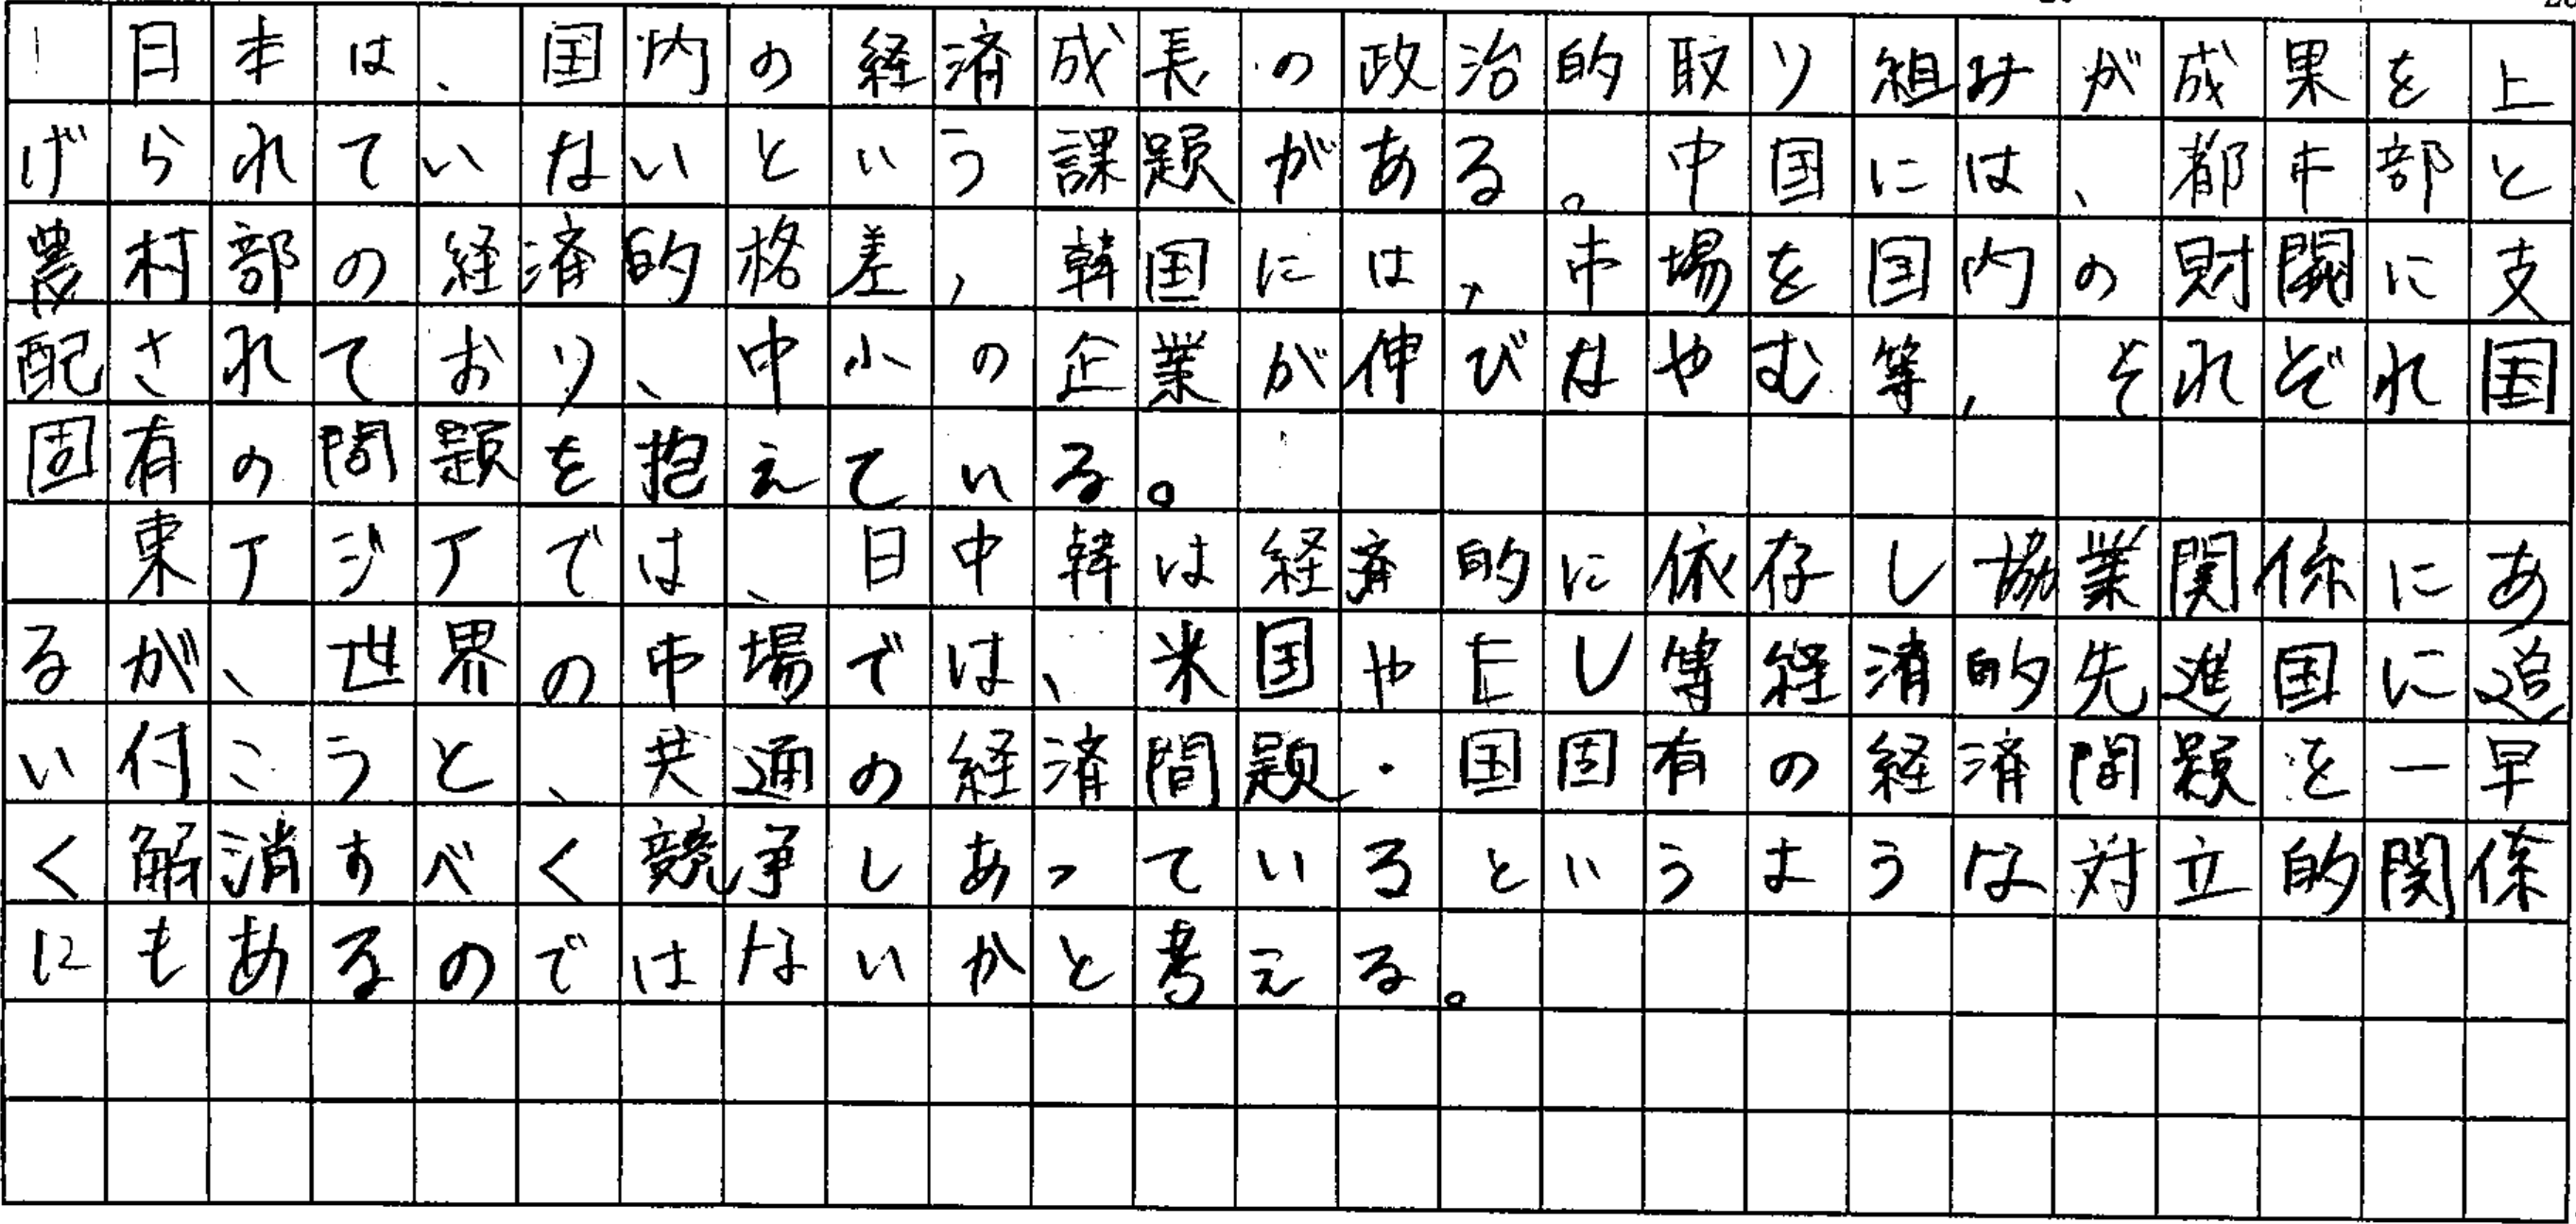　日本は、国内の経済成長の政治的取り組みが成果を上げられていないという課題がある。中国には、都市部と農村部の経済的格差，韓国には，市場を国内の財▁に支配されており、中小の企業が伸びなやむ等，それぞれ国固有の問題を抱えている。
　東アジアでは、日中韓は経済的に依存し協業関係にあるが、世界の市場では、米国やＥＵ等経済的先進国に追い付こうと、共通の経済問題・国固有の経済問題を一早く解消すべく競争しあっているというような対立的関係にもあるのではないかと考える。
